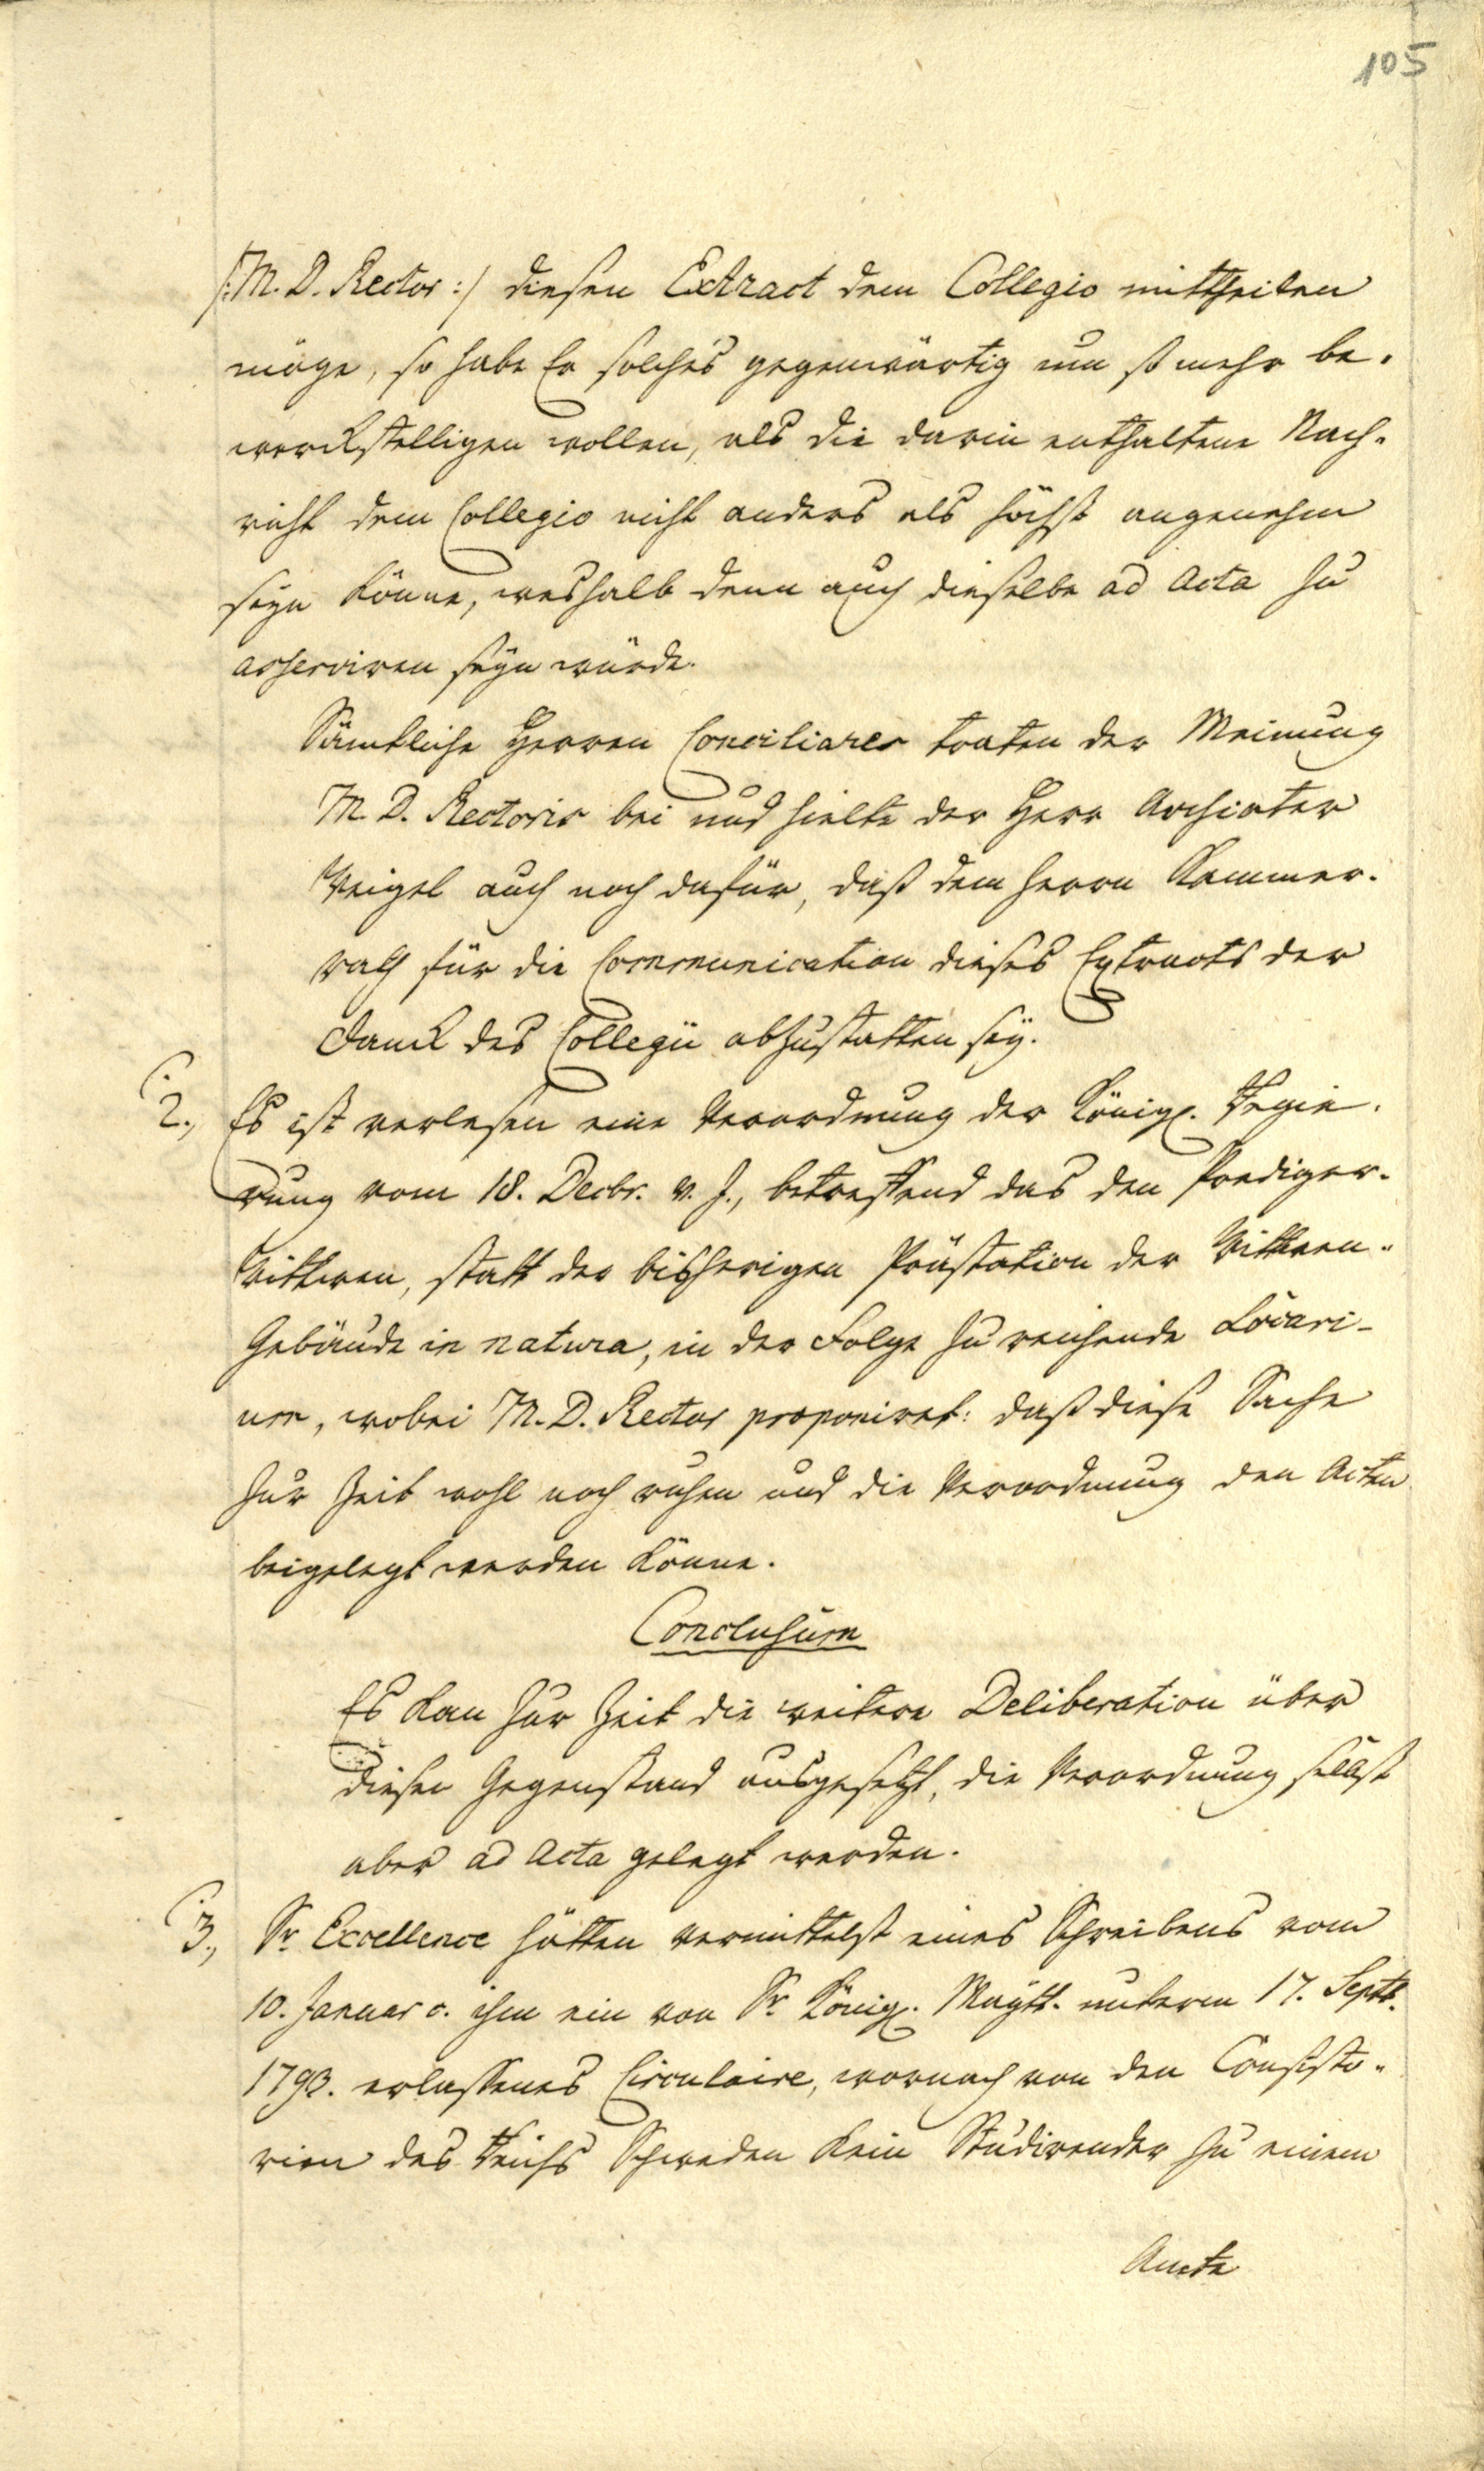/: M. D. Rector :/ diesen Extract dem Collegio mittheilen
möge, so habe Er solches gegenwärtig um so mehr be¬
werckstelligen wollen, als die darin enthaltene Nach¬
richt dem Collegio nicht anders als höchst angenehm
seyn könne, weshalb denn auch dieselbe ad Acta zu
asserviren seÿn würde.
Sämtliche Herren Conciliares traten der Meinung
M. D. Rectoris bei und hielte der Herr Archiater
Weigel auch noch dafür, daß dem Herrn Kammer¬
rath für die Communication dieses Extracts der
Danck des Collegii abzustatten seÿ.
2., Es ist verlesen eine Verordnung der Königl. Regie¬
rung vom 18. Decbr. v. J., betreffend das den Prediger¬
Wittwen, statt der bisherigen Prästation der Wittwen¬
Gebäude in natura, in der Folge zu reichende Locari¬
um, wobei M. D. Rector proponiret: daß diese Sache
zur Zeit wohl noch ruhen und die Verordnung den Acten
beigelegt werden könne.
Conclusum
Es kan zur Zeit die weitere Deliberation über
diesen Gegenstand ausgesetzt, die Verordnung selbst
aber ad Acta gelegt werden.
3., Sr Excellence hätten vermittelst eines Schreibens vom
10.Januar c. ihm ein von Sr Königl. Maÿtt. unterm 17. Septb.
1793. erlassenes Circulaire, wornach von den Consisto¬
rien des Reichs Schweden kein Studirender zu einem
Amte